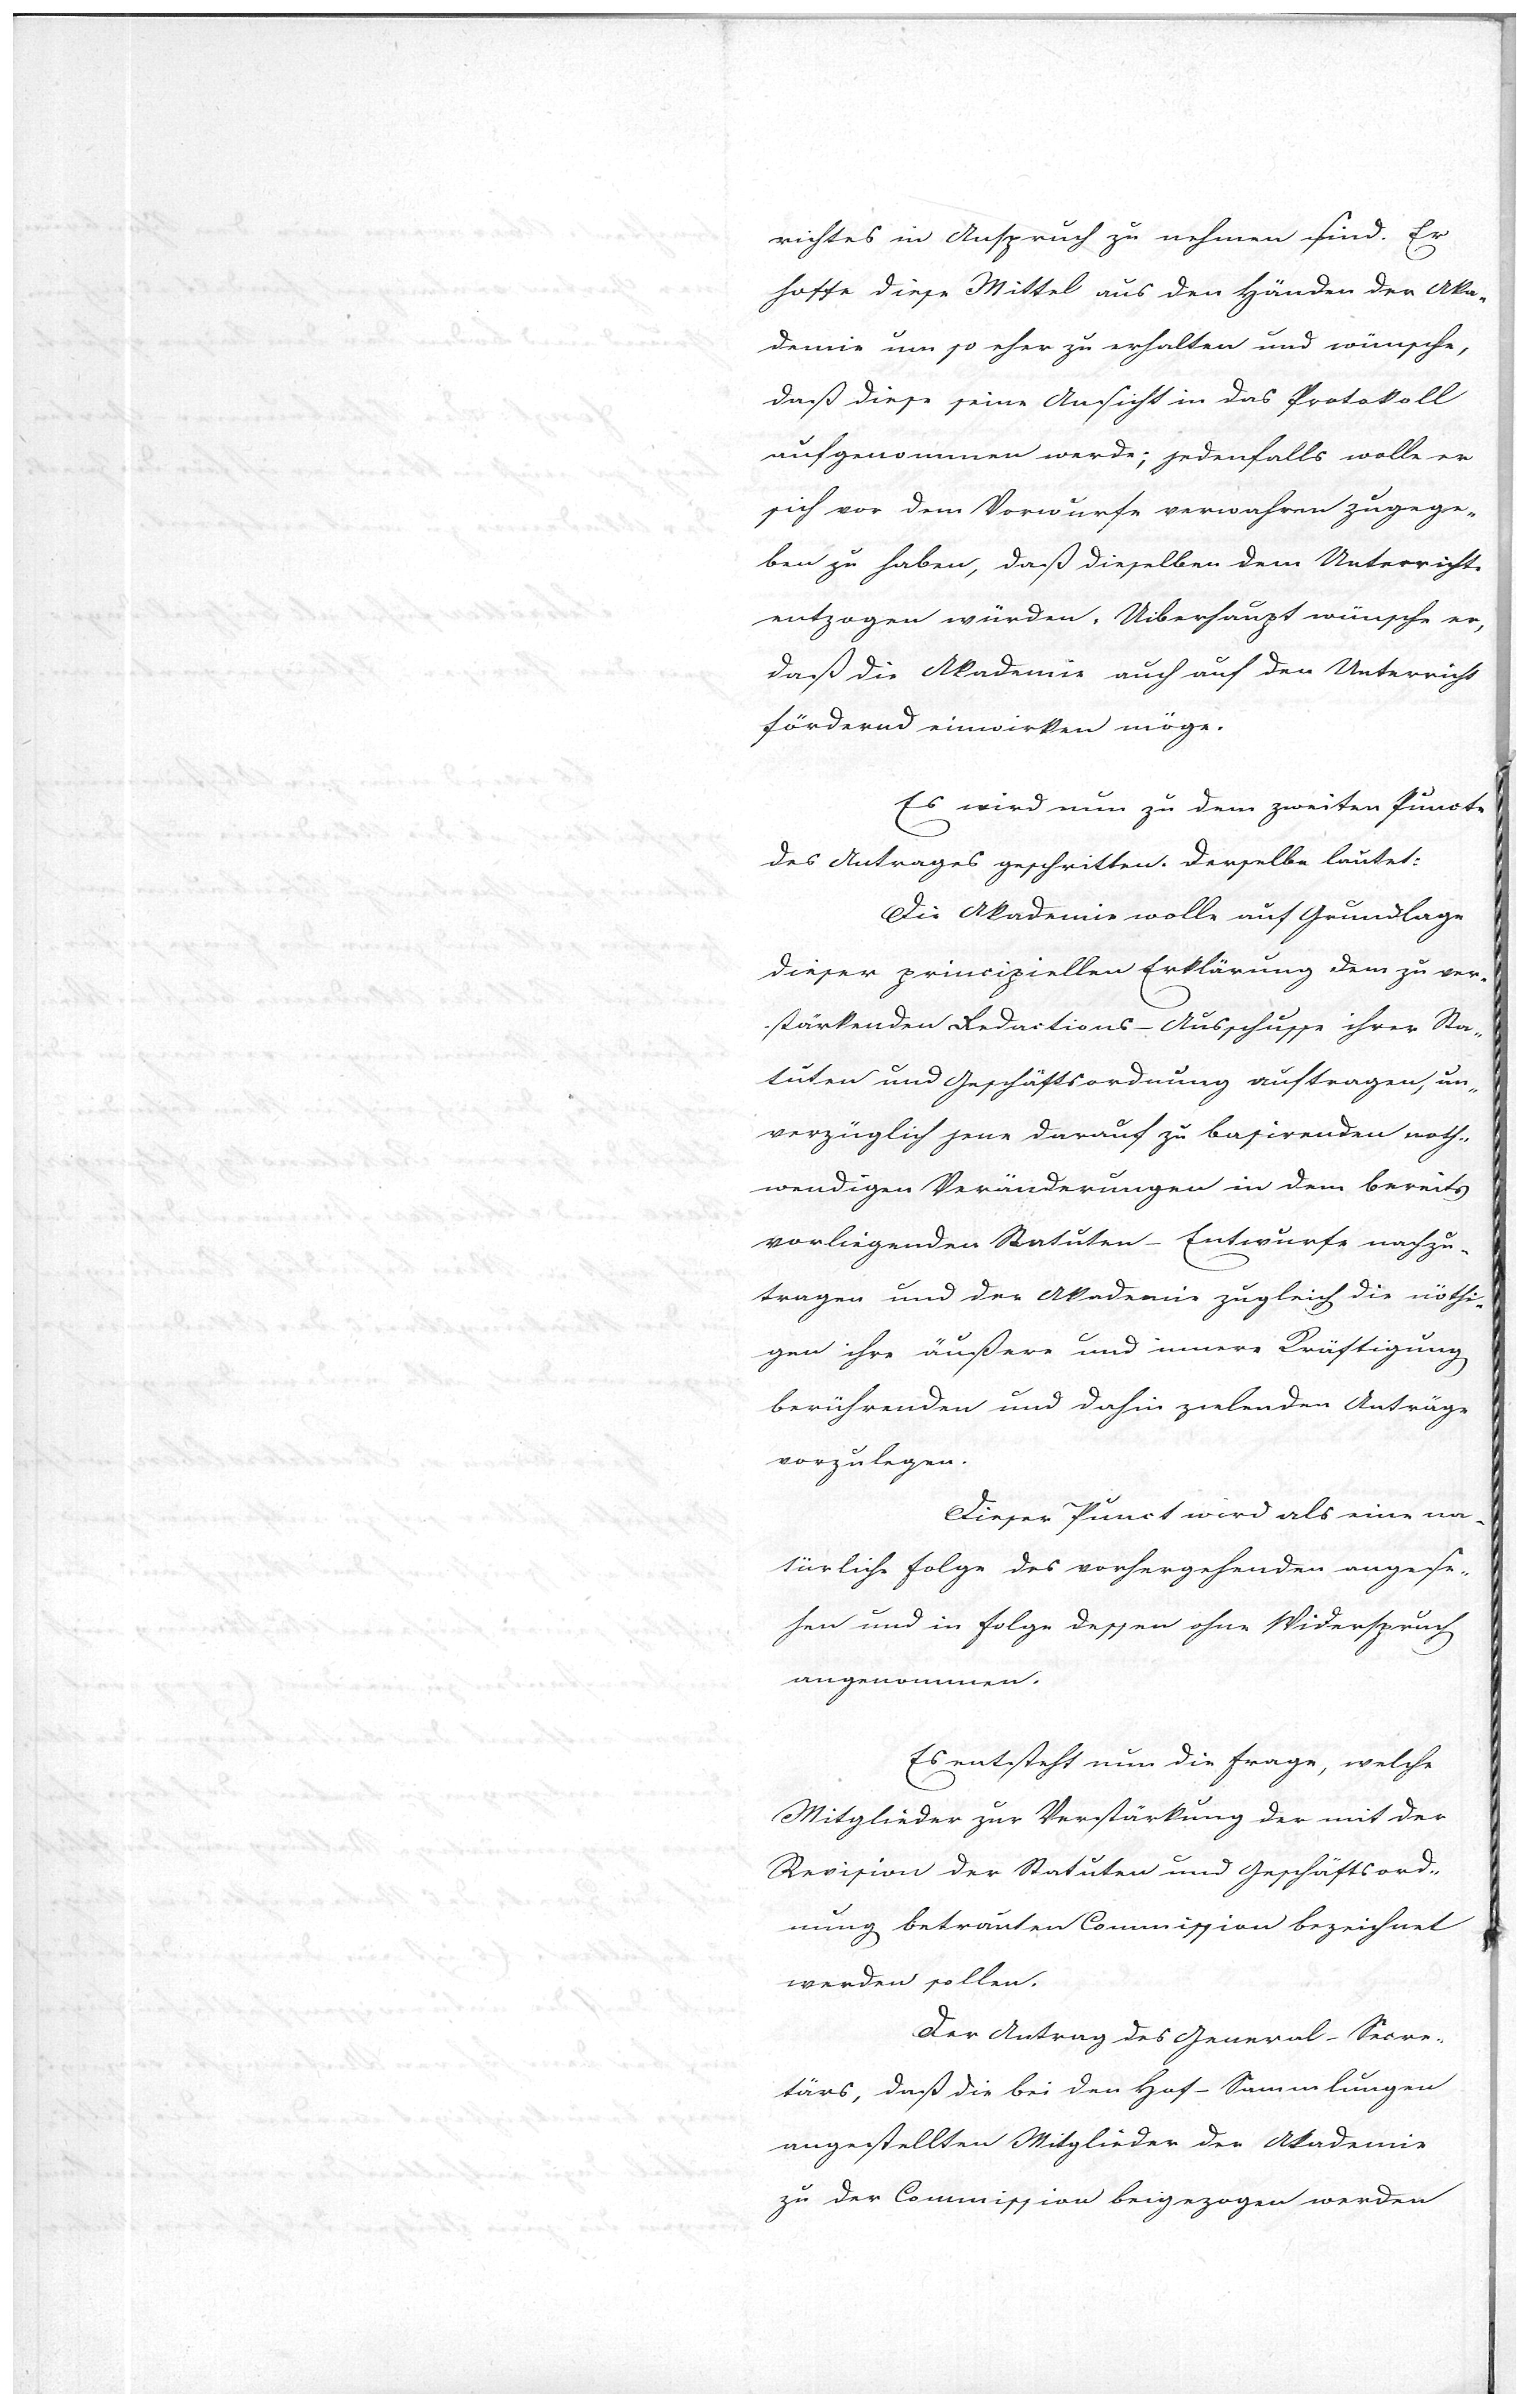richtes in Anspruch zu nehmen sind. Er
hoffe diese Mittel aus den Händen der Aka-
demie um so eher zu erhalten und wünsche
daß diese seine Ansicht in das Protokoll
aufgenommen werde; jedenfalls wolle er
sich vor dem Vorwurfe verwahren zugege-
ben zu haben, daß dieselben dem Unterrichte
entzogen würden. Uiberhaupt wünsche er,
daß die Akademie auch auf den Unterricht
fördernd einwirken möge.
Er wird nun zu dem zweiten Puncte
des Antrages geschritten. Derselbe lautet:
Die Akademie wolle auf Grundlage
dieser principiellen Erklärung dem zu ver-
stärkenden Redactions-Ausschusse ihrer Sta-
tuten und Geschäftsordnung auftragen, un-
vorzüglich jene darauf zu basirenden noth-
wendigen Veränderungen in dem bereits
vorliegenden Statuten-Entwurfe nachzu-
tragen und der Akademie zugleich die nöthi-
gen ihre äußere und innere Kräftigung
berührenden und dahin zielenden Anträge
vorzulegen.
Dieser Punct wird als eine na-
türliche Folge des vorhergehenden angese-
hen und in Folge dessen ohne Widerspruch
angenommen.
Es entsteht nun die Frage, welche
Mitglieder zur Verstärkung der mit der
Revision der Statuten und Geschäftsord-
nung betrauten Commission bezeichnet
werden sollen.
Der Antrag des General-Secre-
tär, daß die bei den Hof-Sammlungen
angestellten Mitglieder der Akademie
zu der Commission beigezogen werden